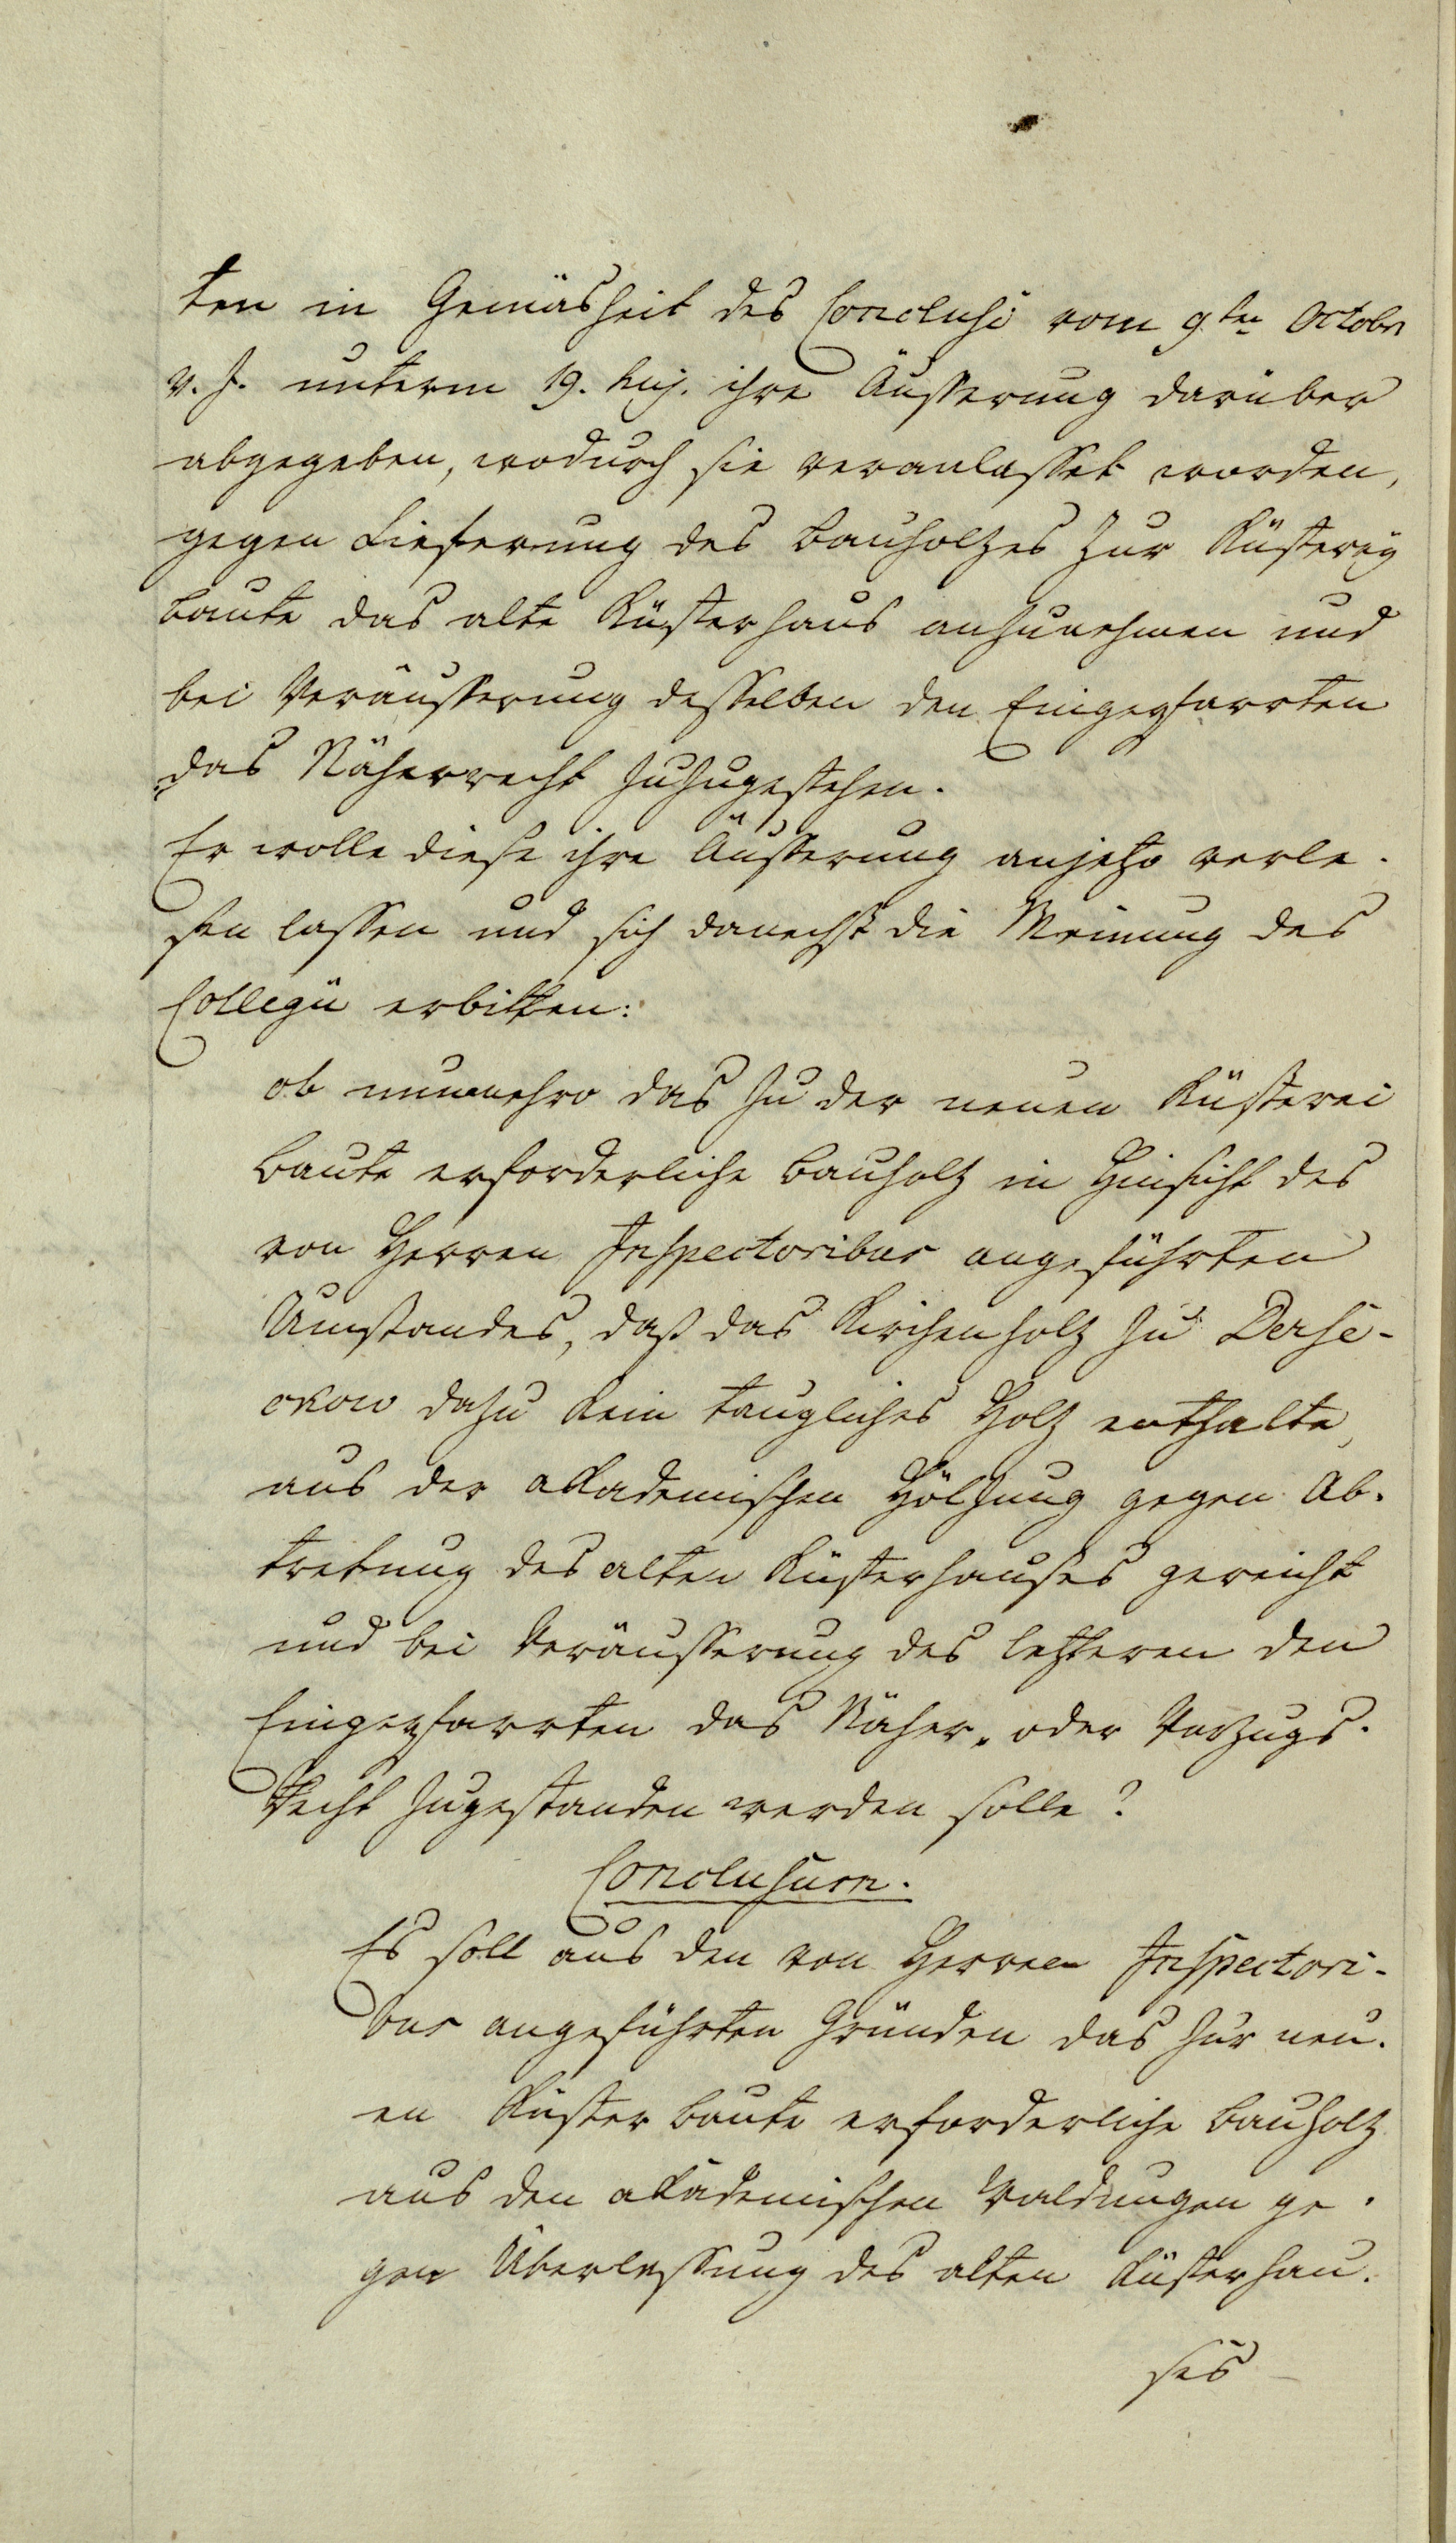ten in Gemäsheit des Conclusi vom 9 ten Octobr.
v. J. unterm 19. huj. ihre Äusserung darüber
abgegeben, wodurch sie veranlasset worden,
gegen Lieferung des Bauholzes zur Küstereÿ
Baute das alte Küsterhaus anzunehmen und
bei Veräusserung desselben den Eingepfarrten
das Näherrecht zuzugestehen.
Er wolle diese ihre Äusserung anjetzo verle¬
sen lassen und sich danechst die Meinung des
Collegii erbitten:
ob nunmehro das zu der neuen Küsterei
Baute erforderliche Bauholz in Hinsicht des
von Herren Inspectoribus angeführten
Umstandes, daß das Kirchenholz zu Derse
ckow dazu kein taugliches Holz enthalte,
aus der akademischen Hölzung gegen Ab¬
tretung des alten Küsterhauses gereicht
und bei Veräusserung des letzteren den
Eingepfarrten das Näher- oder Vorzugs¬
Recht zugestanden werden solle?
Conclusum.
Es soll aus dem von Herren Inspectori¬
bus angeführten Gründen das zur neu¬
en Küster Baute erforderliche Bauholz
aus den akademischen Waldungen ge¬
gen Überlassung des alten Küsterhau¬
ses